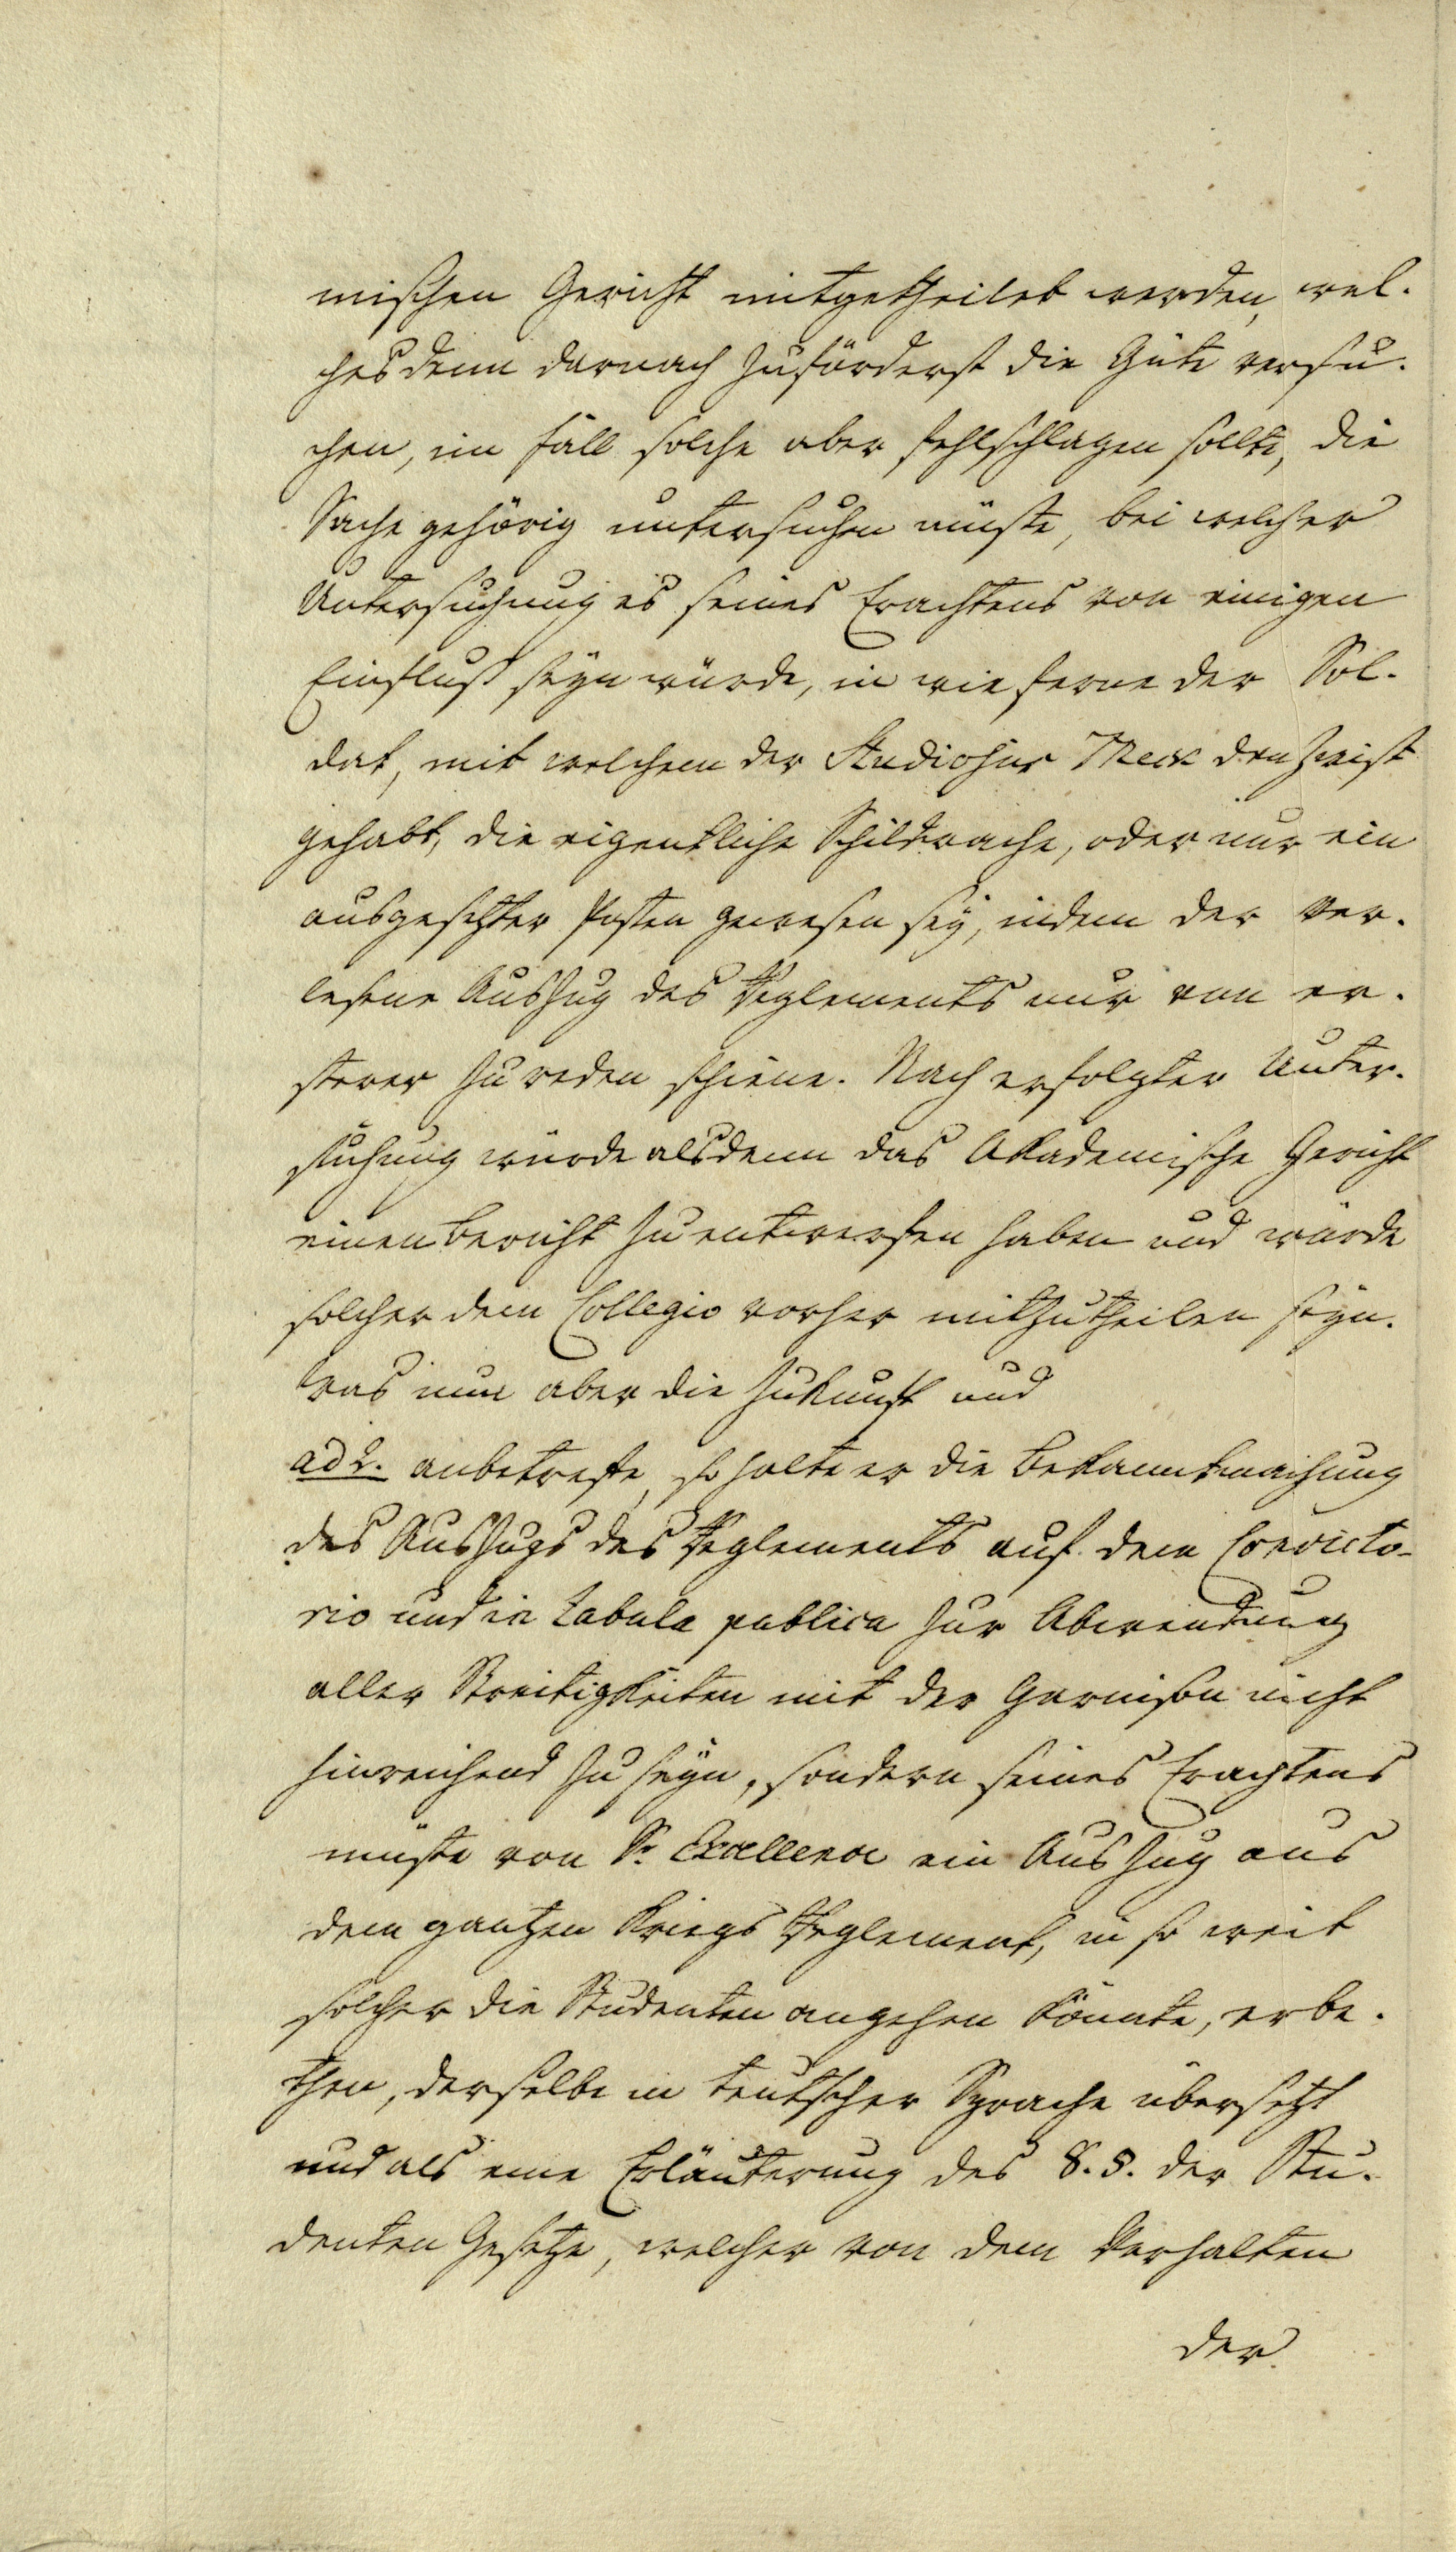mischen Gericht mitgetheilet werden, wel
ches denn darnach zuförderst die Güte versu¬
chen, im Fall solche aber fehlschlagen sollte, die
Sache gehörig untersuchen müßte, bei welcher
Untersuchung es seines Erachtens von einigen
Einfluß seÿn würde, in wie ferne der Sol¬
dat, mit welchem der Studiosus Meck den Zwist
gehabt, die eigentliche Schildwache, oder nur ein
ausgesetzter Posten gewesen seÿ, indem der ver¬
lesene Auszug des Reglements nur von er¬
sterer zu reden schiene. Nach erfolgter Unter¬
suchung würde alsdenn das Akademische Gericht
einen Bericht zu entwerfen haben und würde
solcher dem Collegio vorher mitzutheilen seÿn.
Was nun aber die Zukunft und
ad 2. anbetreffe, so halte er die Bekanntmachung
des Auszugs des Reglements auf dem Convicto¬
rio und in tabula publica zur Abwendung
aller Streitigkeiten mit der Garnison nicht
hinreichend zu seÿn, sondern seines Erachtens
müßte von Sr Excellence ein Auszug aus
dem gantzen Kriegs Reglement, in so weit
solcher die Studenten angehen könnte, erbe¬
then, derselbe in teutscher Sprache übersetzt
und als eine Erläuterung des §. 5. der Stu¬
denten Gesetze, welcher von dem Verhalten
der